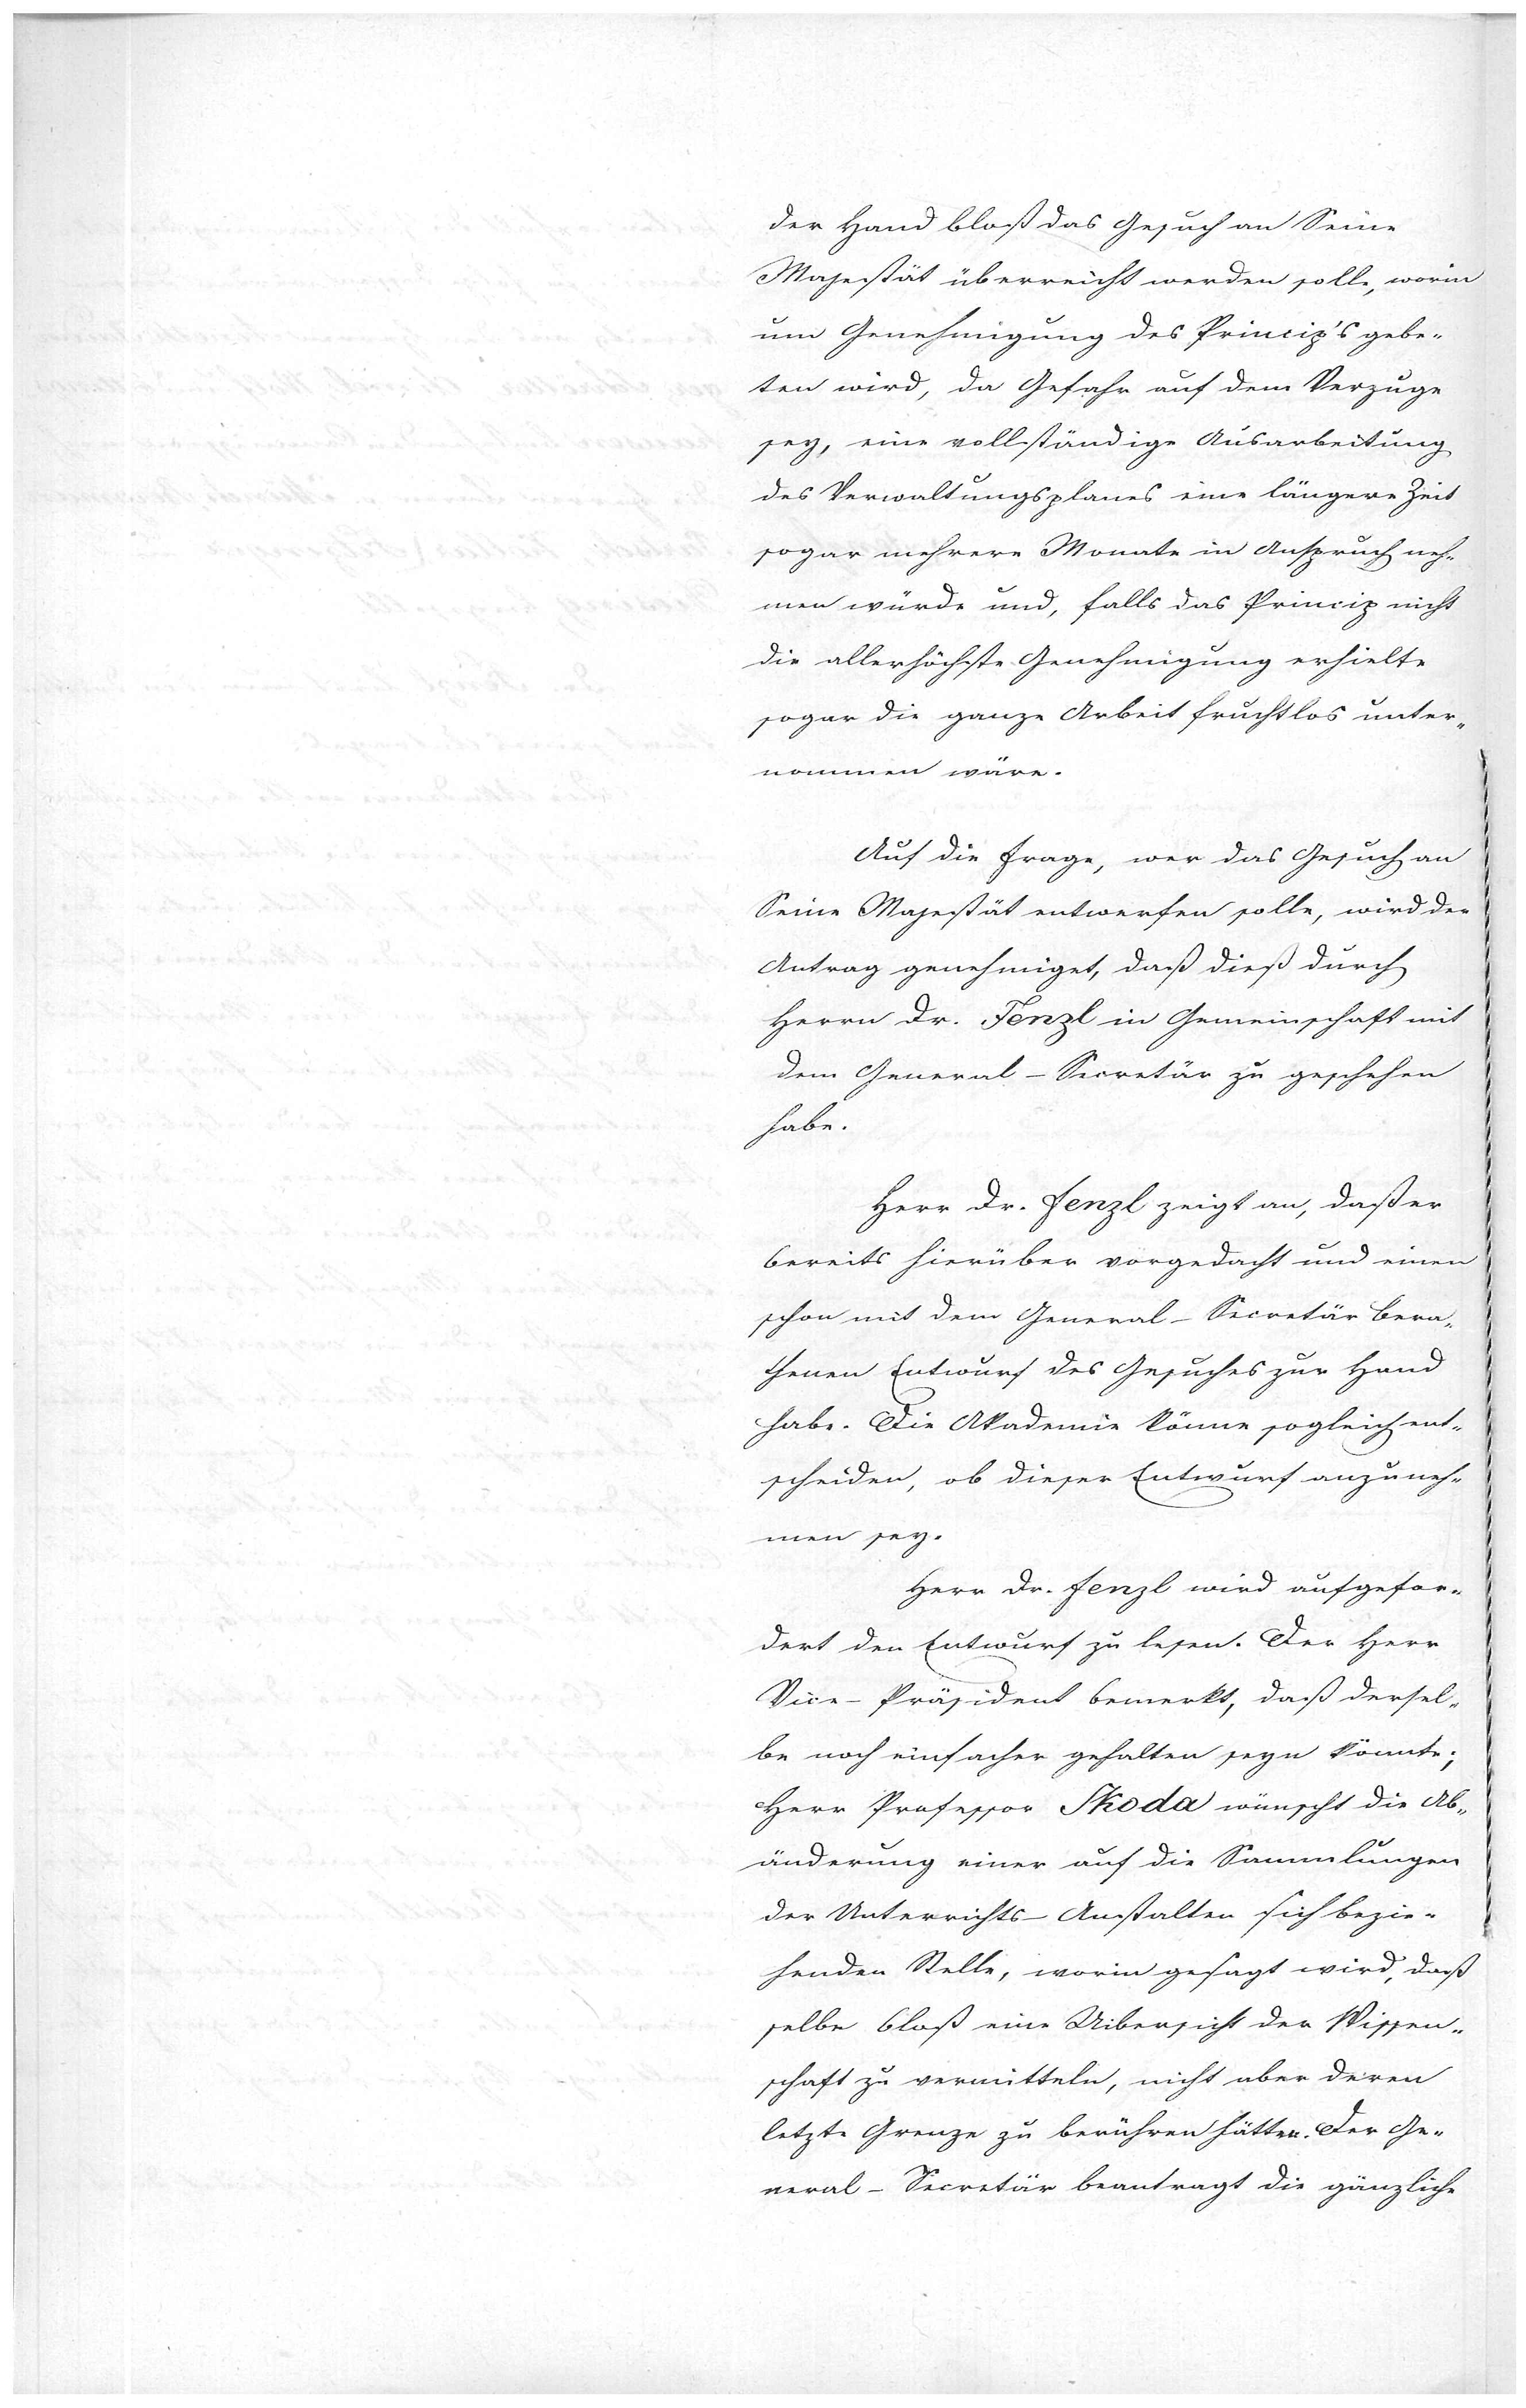der Hand bloß das Gesuch an Seine
Majestät überreicht werden solle, worin
um Genehmigung des Princip's gebe-
ten wird, da Gefahr auf dem Verzuge
sey, eine vollständige Ausarbeitung
des Verwaltungsplanes eine längere Zeit
sogar mehrere Monate in Anspruch neh-
men würde und, falls das Princip nicht
die allerhöchste Genehmigung erhielte
sogar die ganze Arbeit fruchtlos unter-
nommen wäre.
Auf die Frage, wer das Gesuch an
Seine Majestät entwerfen solle, wird der
Antrag genehmiget, daß dieß durch
Herrn Dr. Fenzl in Gemeinschaft mit
dem General-Secretär zu geschehen
habe.
Herr Dr. Fenzl zeigt an daß er
bereits hierüber vorgedacht und einen
schon mit dem General-Secretär bera-
thenen Entwurf des Gesuches zur Hand
habe. Die Akademie könne sogleich ent-
scheiden, ob dieser Entwurf anzuneh-
men sey.
Herr Dr. Fenzl wird aufgefor-
dert den Entwurf zu lesen. Der Herr
Vice-Präsident bemerkt, daß dersel-
be noch einfacher gehalten seyn könnte;
Herr Professor Skoda wünscht die Ab-
änderung einer auf die Sammlungen
der Unterrichts-Anstalten sich bezie-
henden Stelle, worin gesagt wird, daß
selbe bloß eine Uibersicht der Wissen-
schaft zu vermitteln, nicht über deren
letzten Grenze zu berühren hätten. Der Ge-
neral-Secretär beantragt die gänzliche